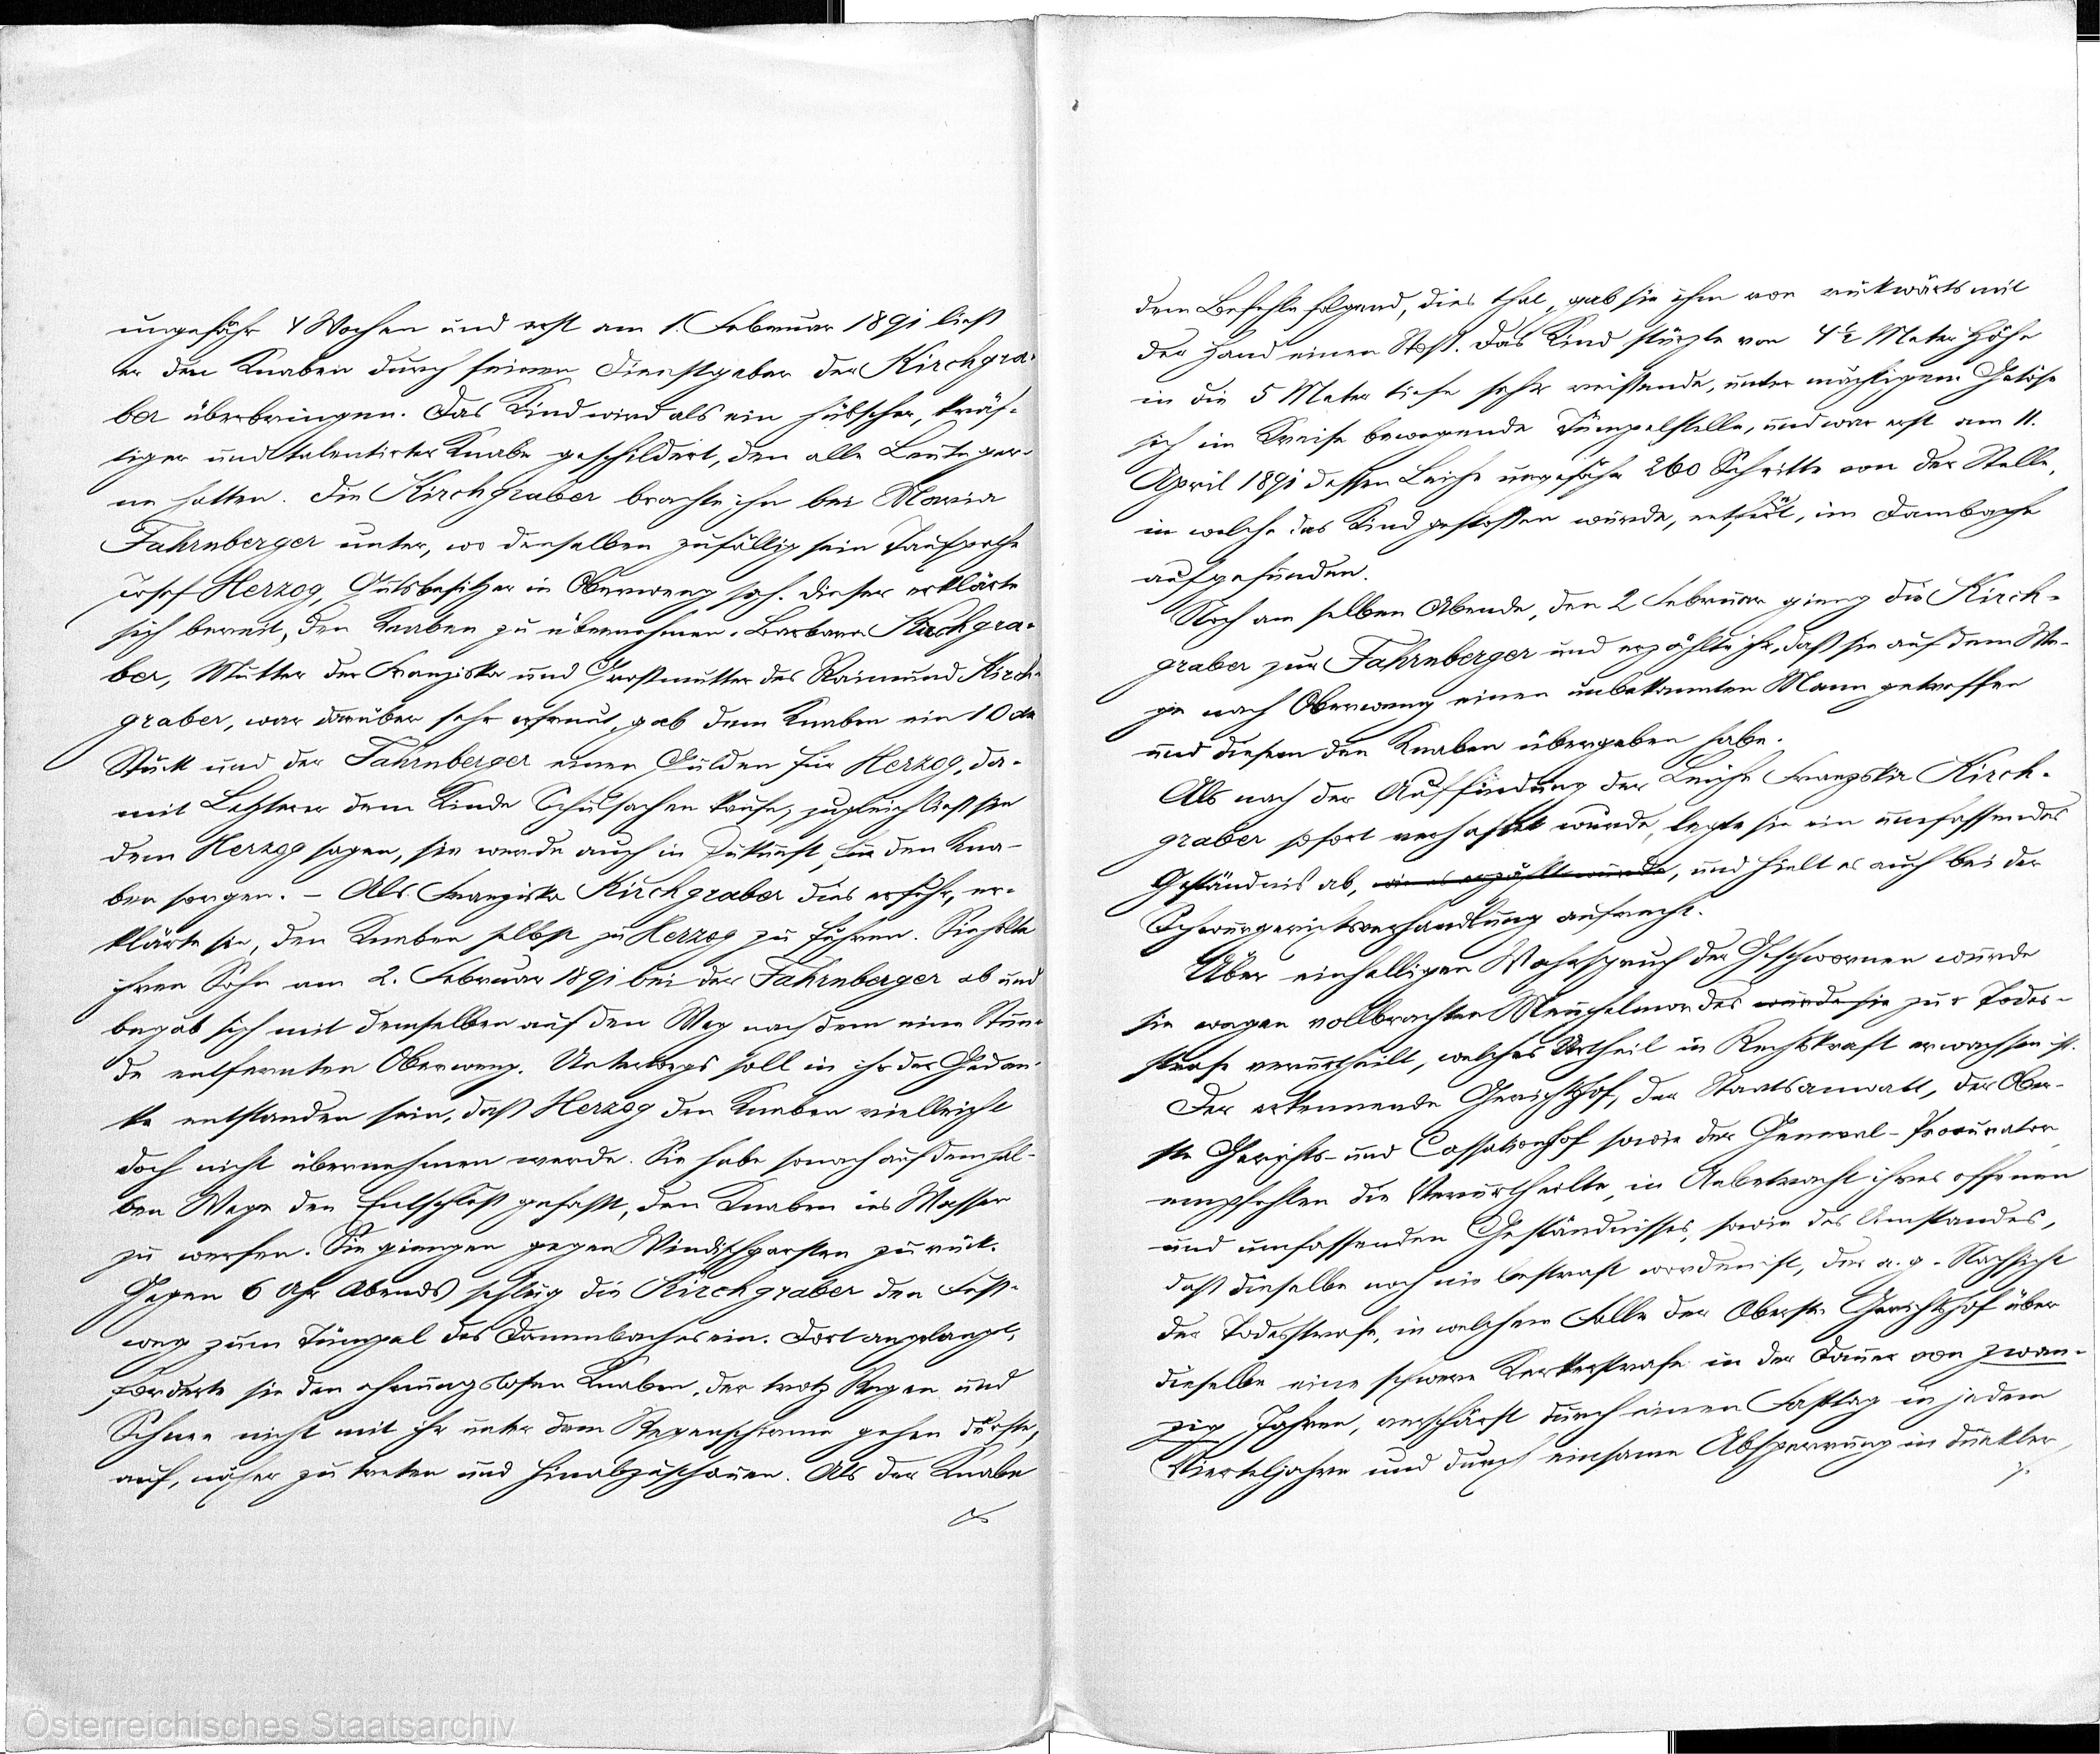ungefähr 4 Wochen und erst am 1. Februar 1891 ließ
er den Knaben durch seinen Dienstgeber der Kirchgra¬
ber überbringen. Das Kind wird als ein hübscher, kräf¬
tiger und talentirter Knabe geschildert, den alle Leute ger¬
ne hatten. Die Kirchgraber brachte ihn bei Maria
Fahrnberger unter, wo dieselben zufällig sein Taufpathe
Josef Herzog, Gutsbesitzer in Oberweng sah. Dieser erklärte
sich bereit, den Knaben zu übernehmen. Barbara Kirchgra¬
ber, Mutter der Franziska und Großmutter des Raimund Kirch¬
graber, war darüber sehr erfreut, gab dem Knaben ein 10 dr
Stuck und der Fahrnberger einen Gulden für Herzog, da¬
mit Letzterer dem Kinde Schulsachen kaufe, zugleich ließ sie
dem Herzog sagen, sie werde auch in Zukunft für den Kna¬
ben sorgen. Als Franziska Kirchgraber dies erfuhr, er¬
klärte sie, den Knaben selbst zu Herzog zu führen. Sie holte
ihren Sohn am 2. Februar 1891 bei der Fahrnberger ab und
begab sich mit demselben auf den Weg nach dem eine Stun¬
de entfernten Oberweng. Unterwegs soll in ihr der Gedan¬
ke entstanden sein, daß Herzog den Knaben vielleicht
doch nicht übernehmen werde. Sie habe sonach auf dem hal¬
ben Wege den Entschluß gefaßt, den Knaben ins Wasser
zu werfen. Sie giengen gegen Windischgarsten zurück.
Gegen 6 Uhr Abends schlug die Kirchgraber den Fuß¬
weg zum Tümpel des Dammbaches ein. Dort angelangt,
forderte sie den ahnungslosen Knaben, der trotz Regen und
Schnee nicht mit ihr unter dem Regenschirm gehen dürfte,
auf, näher zu treten und Hinabzuschauen. Als der Knabe
dem Befehle folgend, dies that, gab sie ihm von rückwärts mit
der Hand einen Stoß. Das Kind stürzte von 4 ½ Meter Höhe
in die 5 Meter tiefe sehr reißende, unter mächtigen Getöse
sich im Kreise bewegende Tümpelstelle, und war erst am 11.
April 1891 dessen Leiche ungefähr 260 Schritte von der Stelle
in welche das Kind gestoßen wurde, entfernt, im Dambache
aufgefunden.
Noch am selben Abende, den 2 Februar gieng die Kirch¬
graber zur Fahrnberger und erzählte ihr, daß sie auf dem We¬
ge nach Oberweng einen unbekannten Mann getroffen
und diesem den Knaben übergeben habe.
Als nach der Auffindung der Leiche Franziska Kirch¬
graber sofort nachahnt wurde, legte sie ein umfassendes
Geständnis ab, und hielt es auch bei der
Schwurgerichtsverhandlung aufrecht.
Über einhelligen Wahrspruch der Geschworenen wurde
sie wegen vollbrachten Meuchelmordes zur Todes¬
strafe verurtheilt, welches Urtheil in Rechtskraft erwachsen ist.
Der erkennende Gerichtshof, der Staatsanwalt, der Ober¬
ste Gerichts- und Cassationshof sowie der General-Procuratur
empfehlen die Verurtheilte, in Anbetracht ihres offenen
und umfassenden Geständnisses, sowie des Umstandes,
daß dieselbe noch nie bestraft worden ist, der a.g. Nachsicht
der Todesstrafe, in welchem Falle der Oberste Gerichtshof über
dieselbe eine schwere Kerkerstrafe in der Dauer von zwan¬
zig Jahren, verschärft durch einen Fasttag in jedem
Vierteljahren und durch einsame Absperrung in dunkler